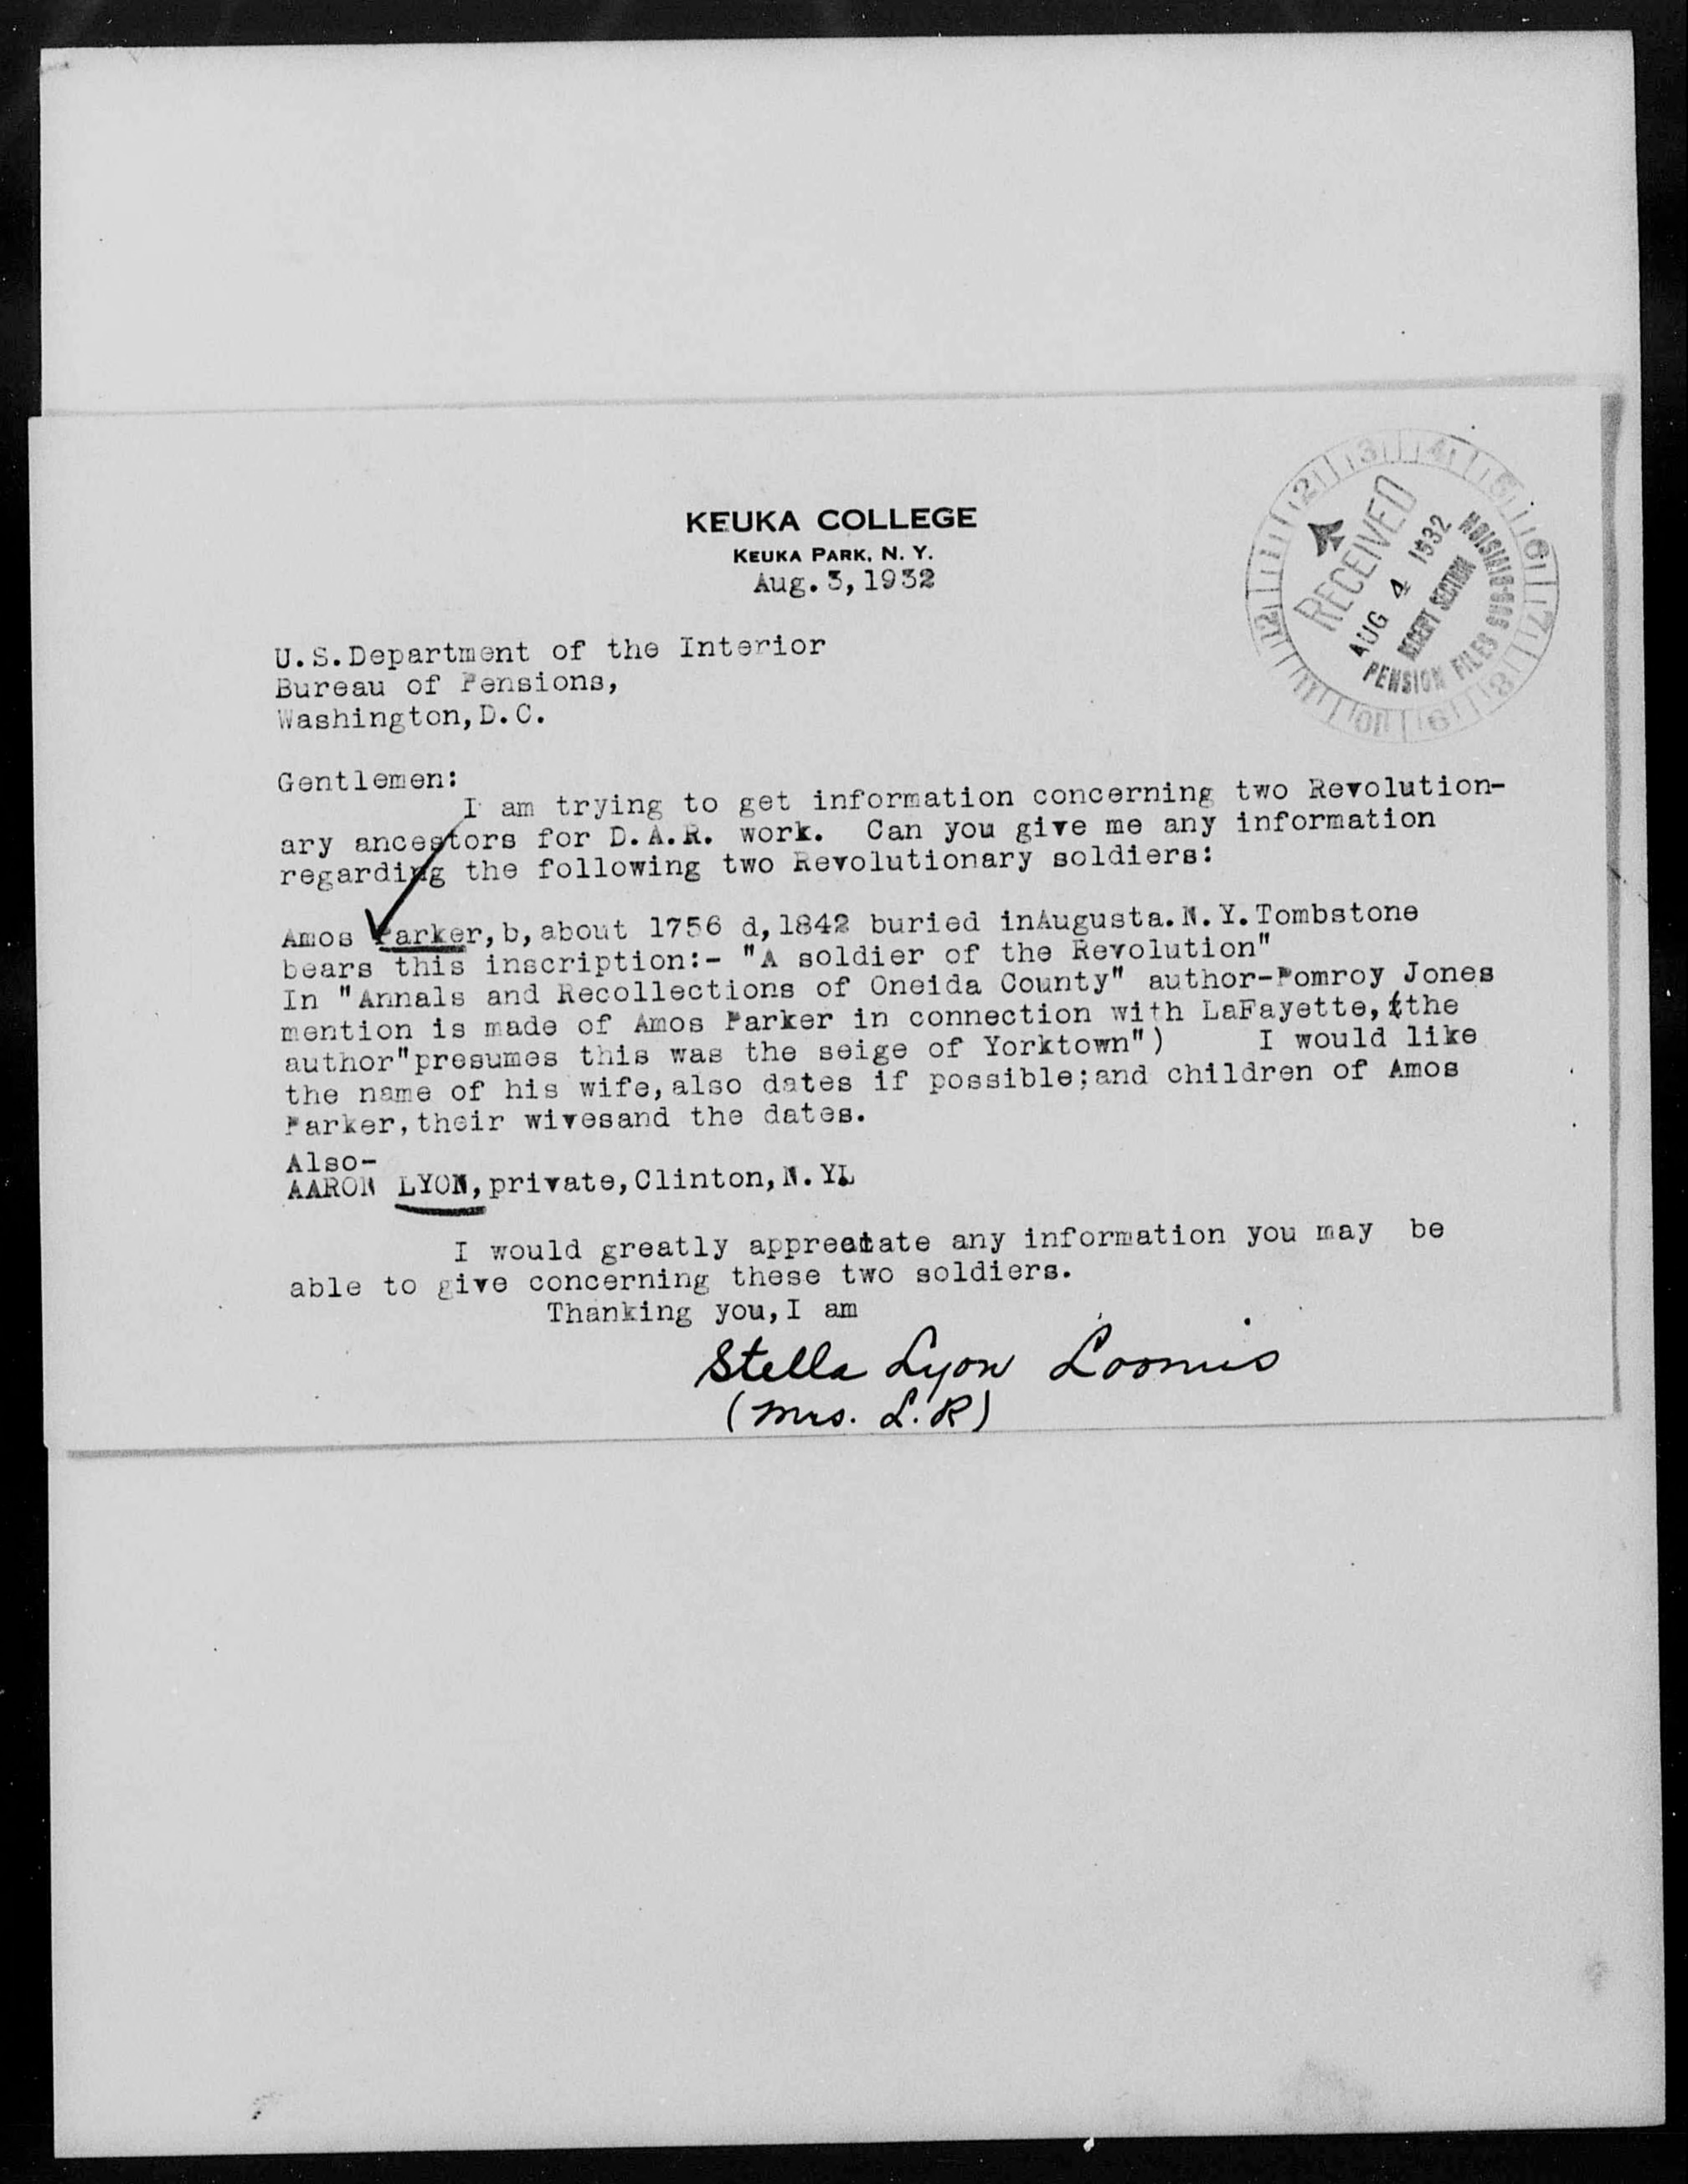KEUKA COLLEGE
KEURA PARK, N. Y.
Aug. 5, 1932
U. S. Department of the Interior
Bureau of Pensions,
Washington, D. C.
Gentlemen:
I am trying to get information concerning two Revolutionaryancestors for D.A.R. work. Can you give me any information
regarding the following two Revolutionary soldiers:
Amos Parker, b. about 1756 d, 1842 buried in Augusta. N. Y. Tombstone
bears this inscription: - "A soldier of the Revolution"
In "Annals and Recollections of Oneida County" author Pomroy Jones
mention is made of Amos Parker in connection with LaFayette, the
author "presumes this was the seige of Yorktown") I would like
the name of his wife, also dates if possible; and children of Amos
Parker, their wives and the dates.
Also -
AARON LYON, private, Clinton, N. Y.
I would greatly appreciate any information you may be
able to give concerning these two soldiers.
Thanking you, I am
Stella Lyon Loomis
(Mrs. L.R.)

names: Pomroy Jones; Stella Lyon Loomis; Aaron Lyon; Amos Parker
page: 20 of 31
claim: survivor's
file: S. 43766, for Amos Parker, Connecticut